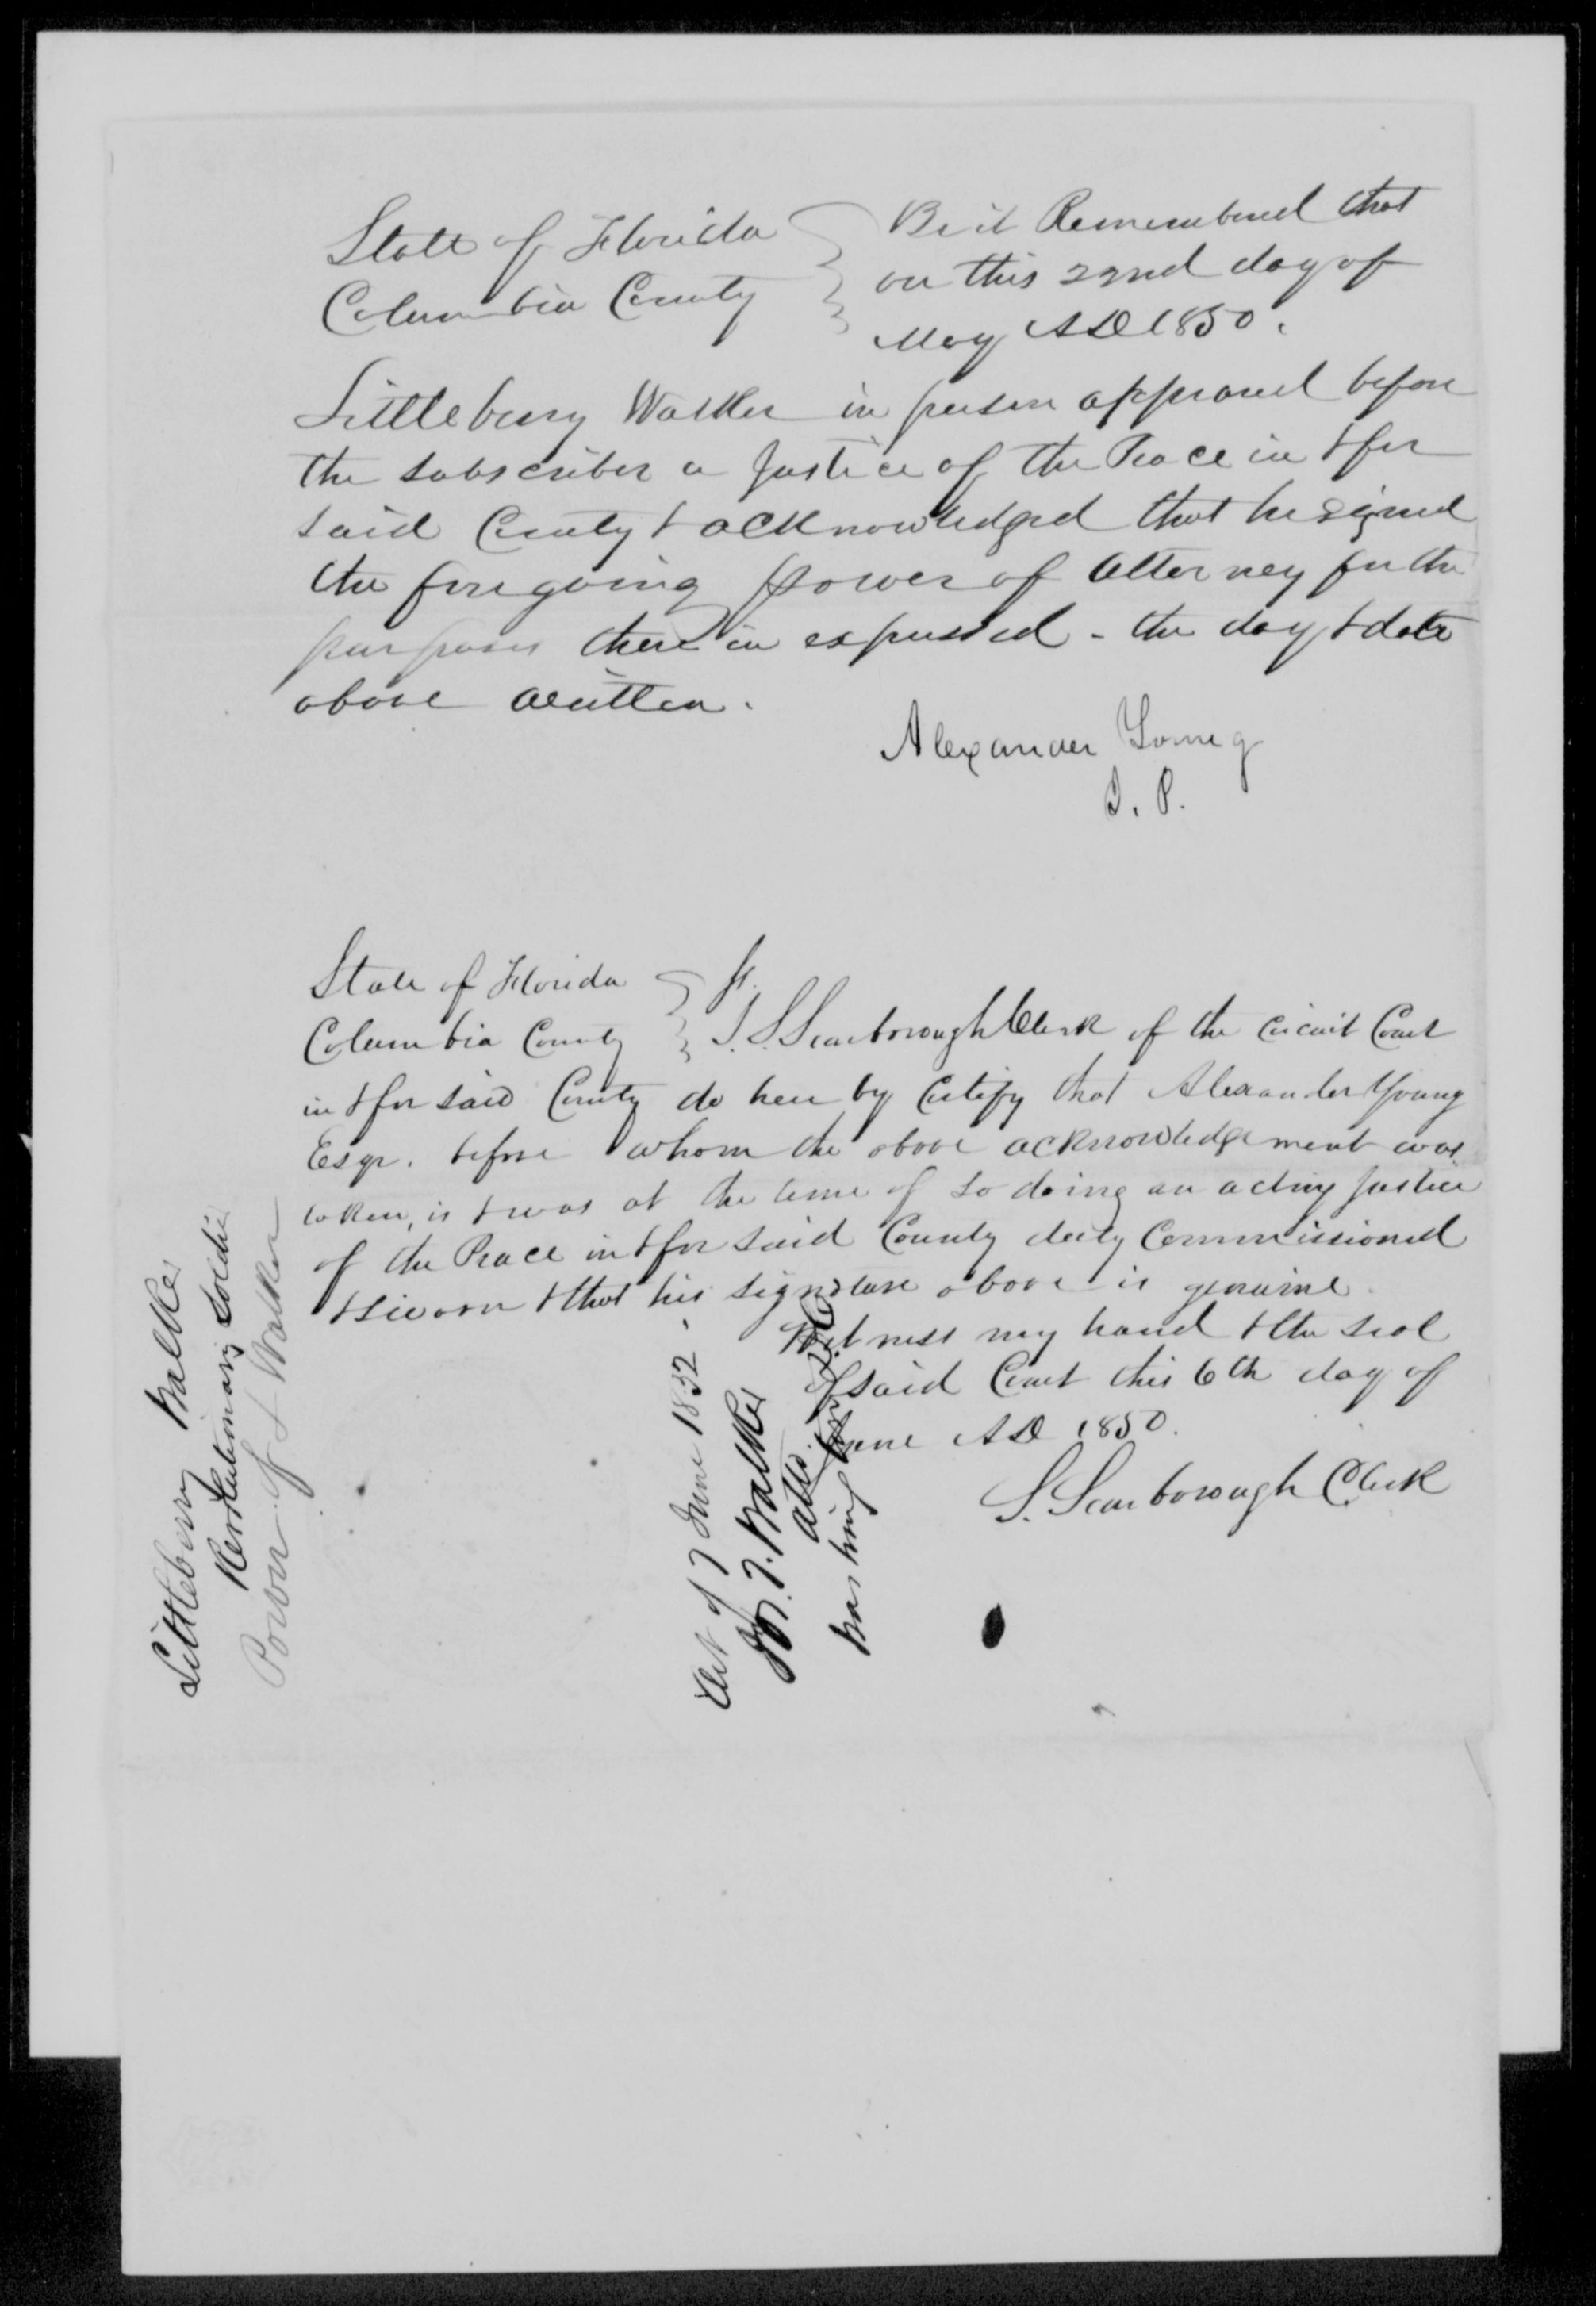State of Florida
Columbia County
Be it remembered that on this 22nd day of May AD 1850
Littleberry Walker in person appeared before the subscriber, a Justice of the Peace in afore said County & acknowledged that he signed the forgoing power of attorney for the purposes therein explained the day & date above as written.
Alexander Young. 
J.P.

State of Florida
Columbia County
I, S. Scarborough Clerk of the Circuit Court in & for said County do hereby certify that Alexander Young Esq. before whom the above acknowledgement was given, is & was at the time of so doing an acting Justice of the Peace in afor said County duly commissioned & sworn & that his signature above is genuine.
Witness my hand & the seal of said Court this 6th day of June AD 1850.
S. Scarborough Clerk

Littleberry Walker
Revolutionary Soldier
Power of Walker

Act of 7 June 1832
Jos. Walker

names: S Scarborough, S Scarborough, Alexander Young, Jos T Walker, Alexander Young, L Walker, Littleberry Walker, Littleberry Walker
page: 14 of 15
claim: rejected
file: R. 11045, Littleberry Walker, Ga.